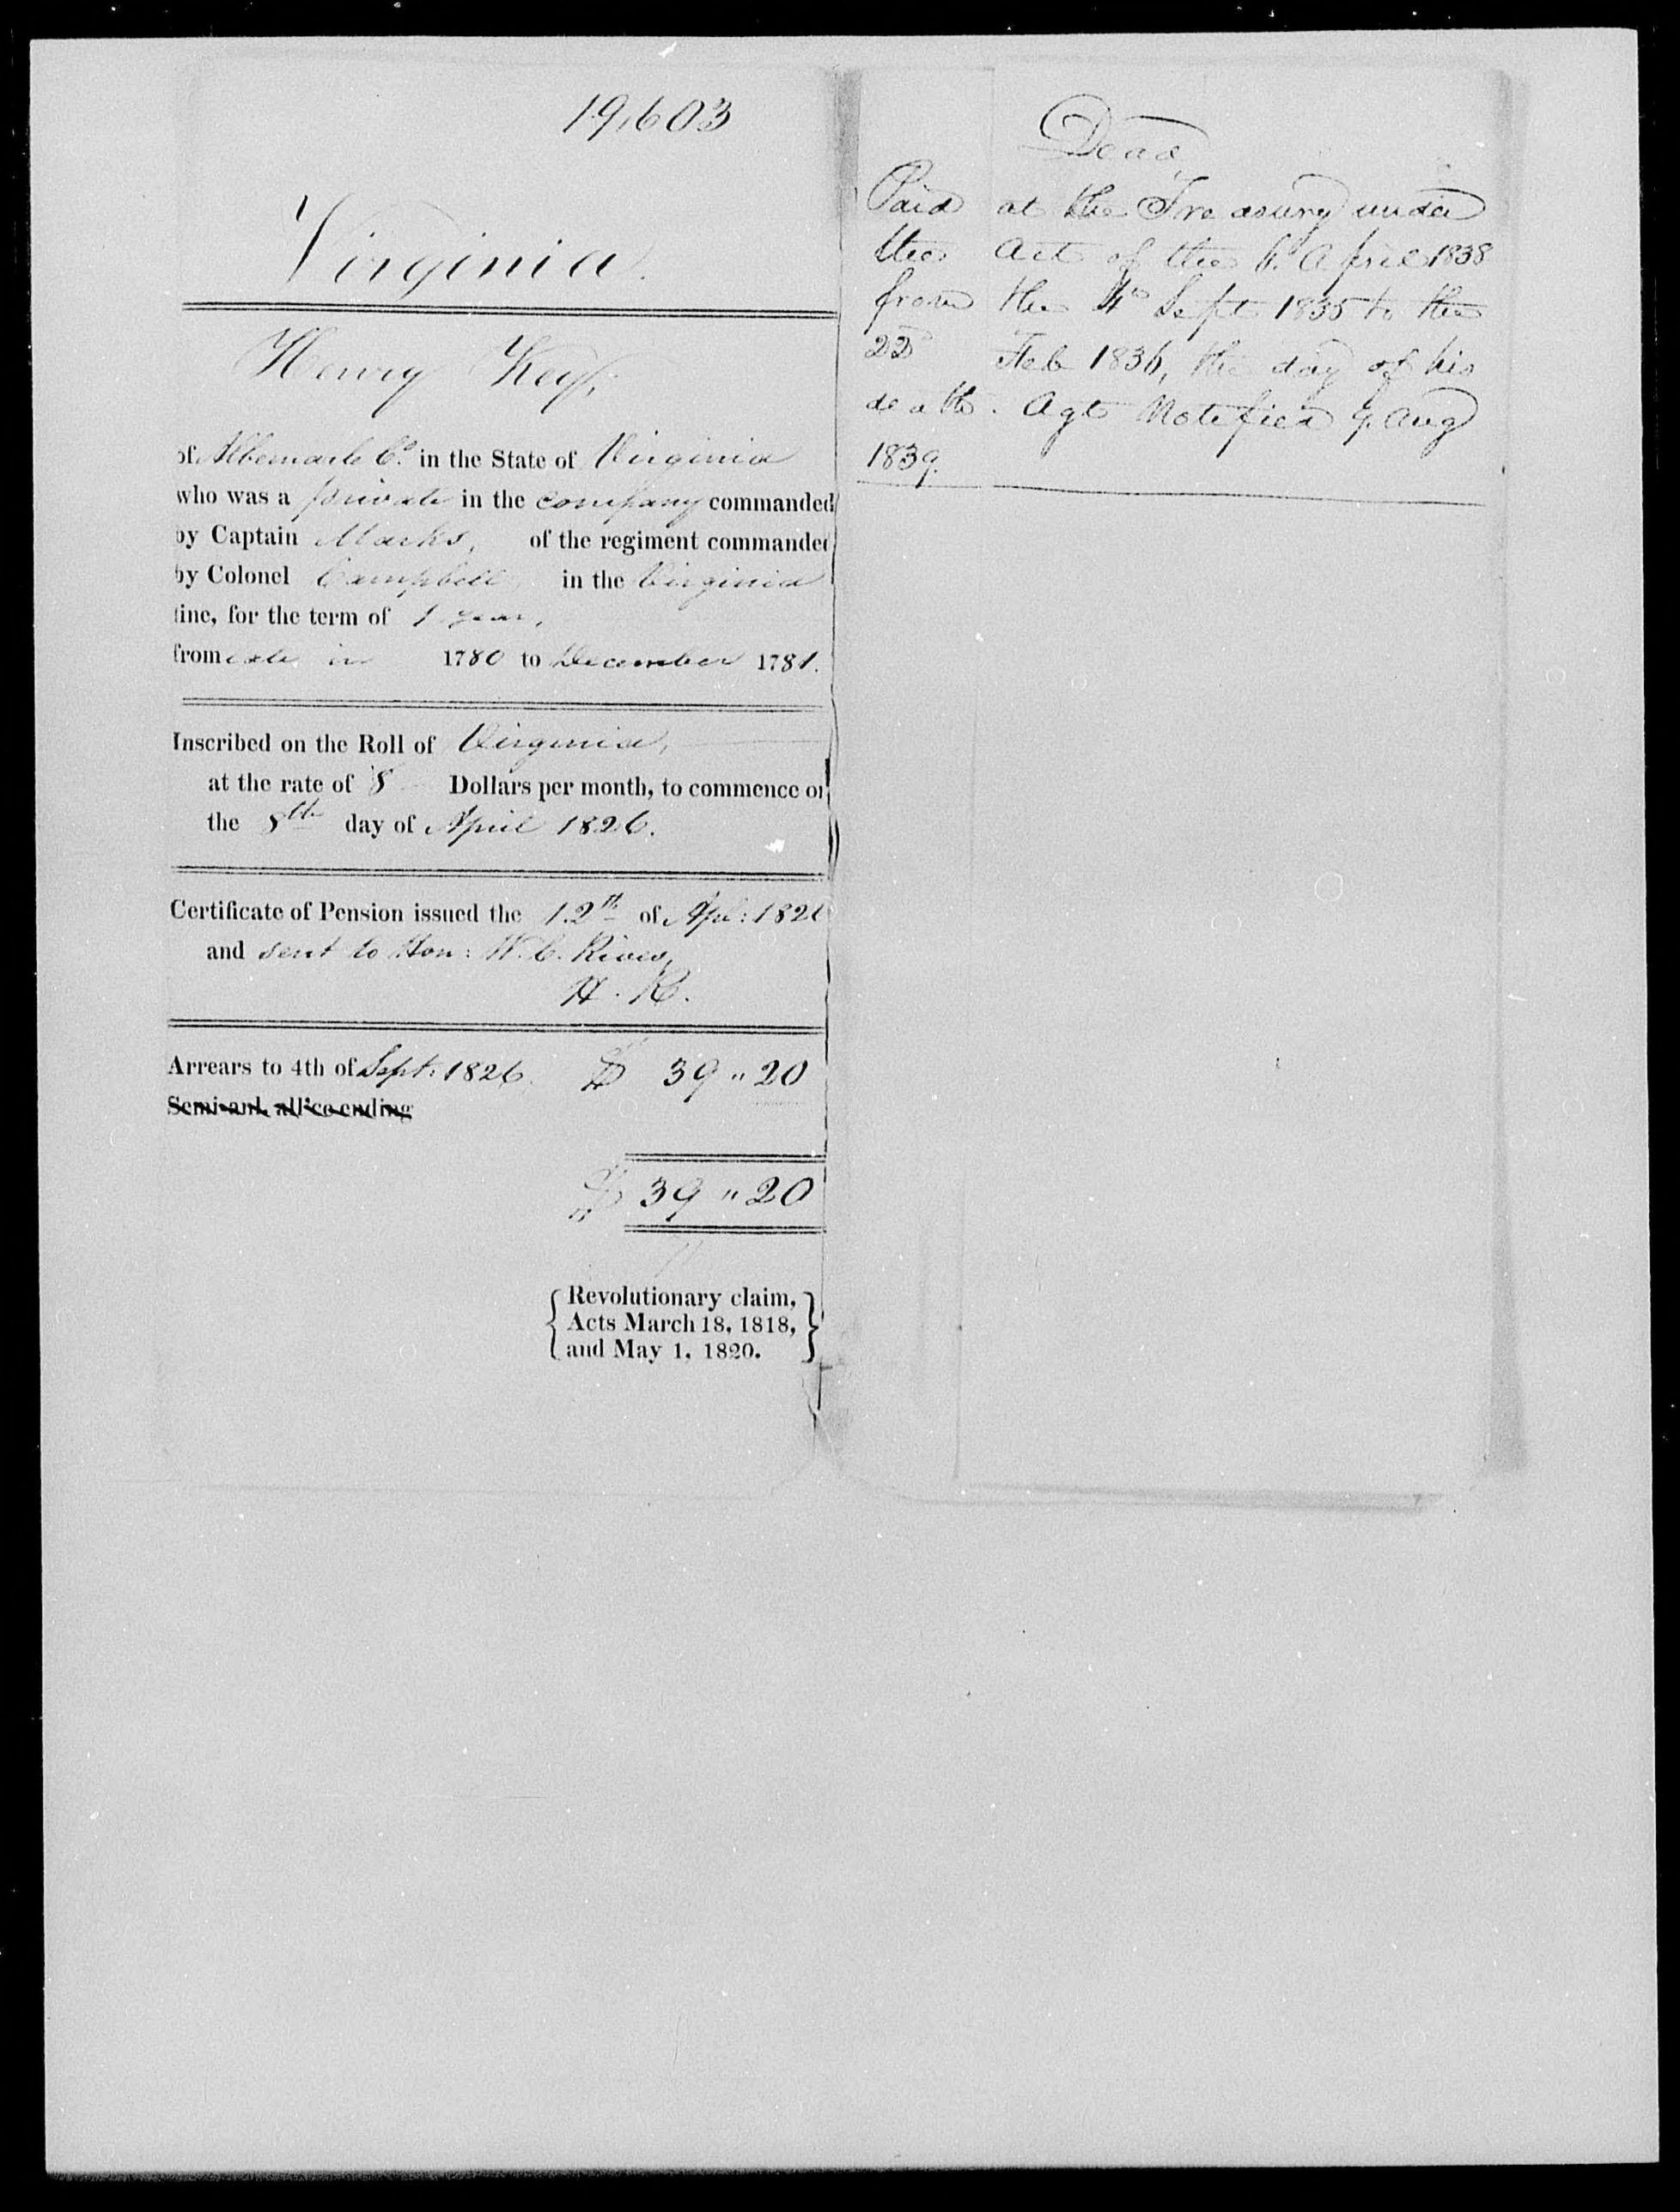191603
Virginia
Henry Key,
of Albemarle Co in the State of Virginia
who was a private in the company commanded
by Captain Marks, of the regiment commanded
by Colonel Campbell in the Virginia
line, for the term of 1 year,
from the  in 1780 to December 1781.
Inscribed on the Roll of Virginia,
at the rate of 8 Dollars per month, to commence on the 8th day of April 1826.
Certificate of Pension issued the 12th of April 1820
and sent to Hon. W.C. Rives.
H. R.
Arrears to 4th of Sept. 1826 $39.20

Revolutionary claim,
Acts March 18, 1818,
and May 1, 1820.

Dead
Paid at the Treasury under the
act of the 6 April 1838
from the 4 Sept 1835 to the 22
Feb 1836, the day of his
death. Agt Notified 9, Aug
1839.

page: 2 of 25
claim: survivor's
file: S 38116, for Henry Key, Virginia